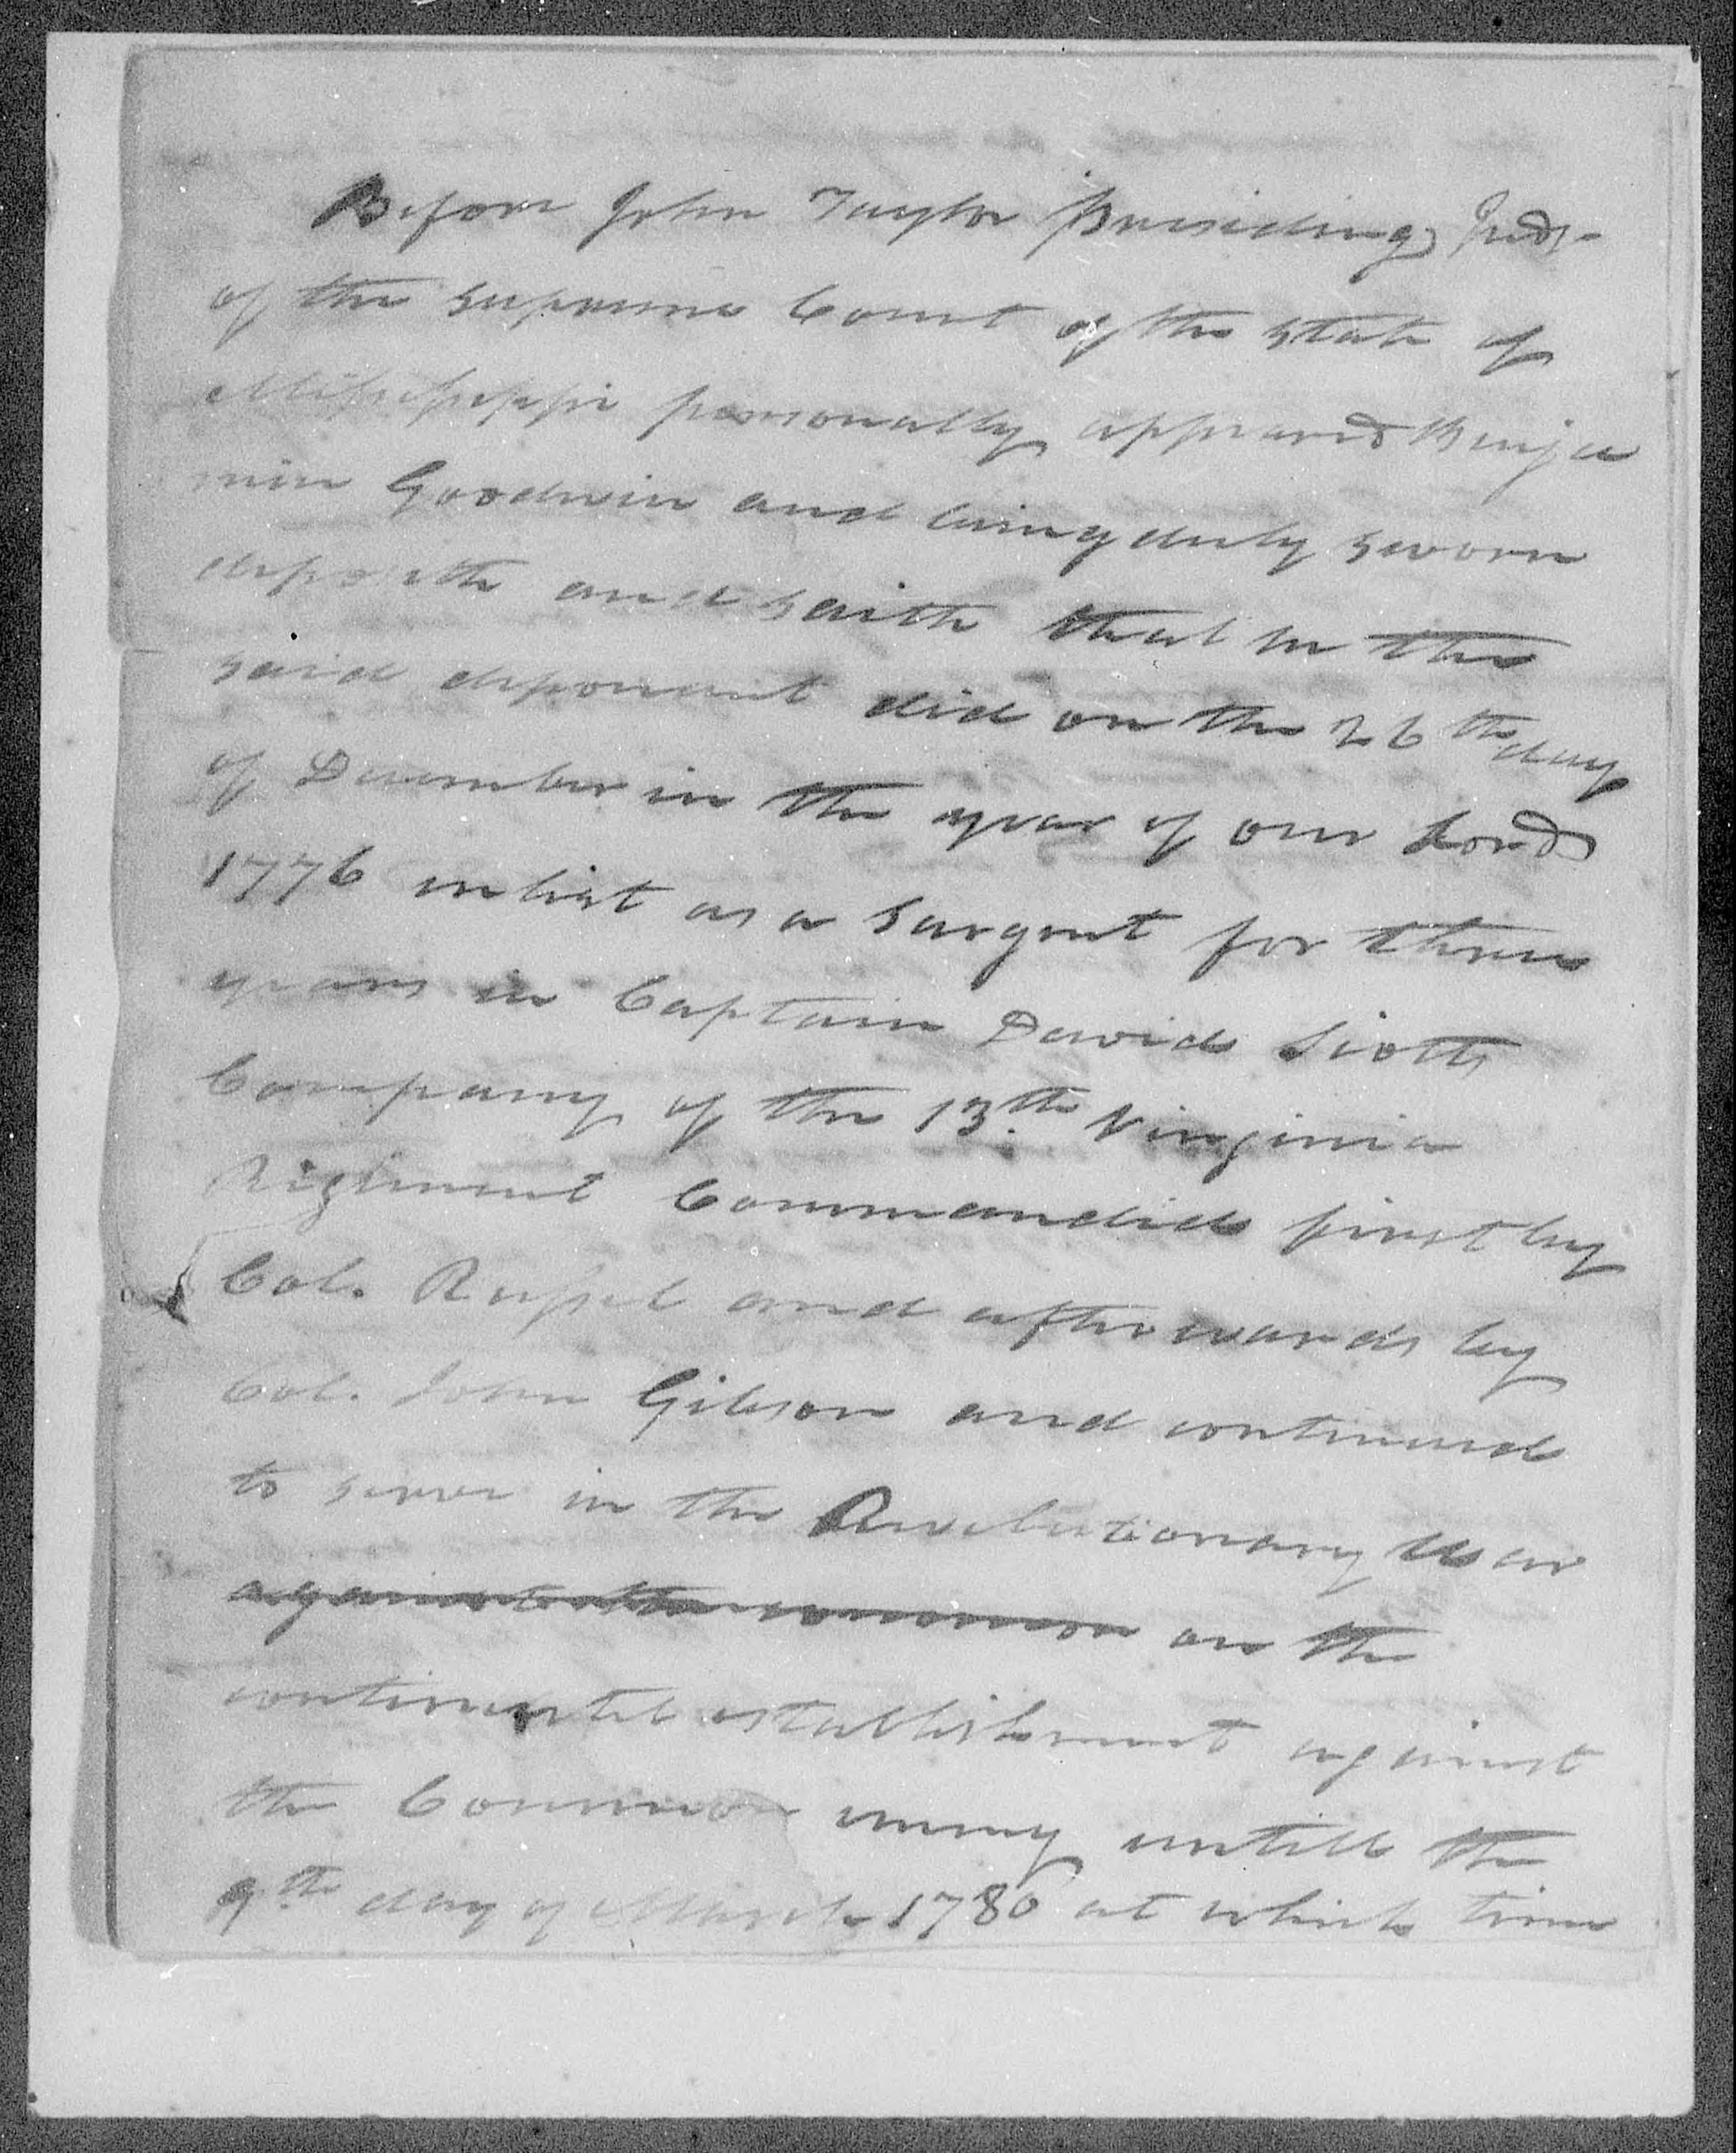Before John Taylor presiding Judge of the supreme Court of the state of Mississippi personally appeared Benjamin Goodwin and living duly sworn deposeth and saith that in this said deponent did on the 26th day of December in the year of our Lord 1776 enlist as a Sargant (Sergeant) for three years in Captain Davids Sixth Company of the 13th Virginia Regiment Commanded first by Col. Rupert and afterwards by Col. John Gibson and continued to serve in the Revolutionary War (against the common crossed out) on the continental establishment against the Common enemy untill the 9th day of March 1780 at which time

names: John Taylor, John Gibson, Benjamin Goodwin, Russel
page: 4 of 24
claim: survivor's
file: S. 34903, Benjamin Goodwin, Va.